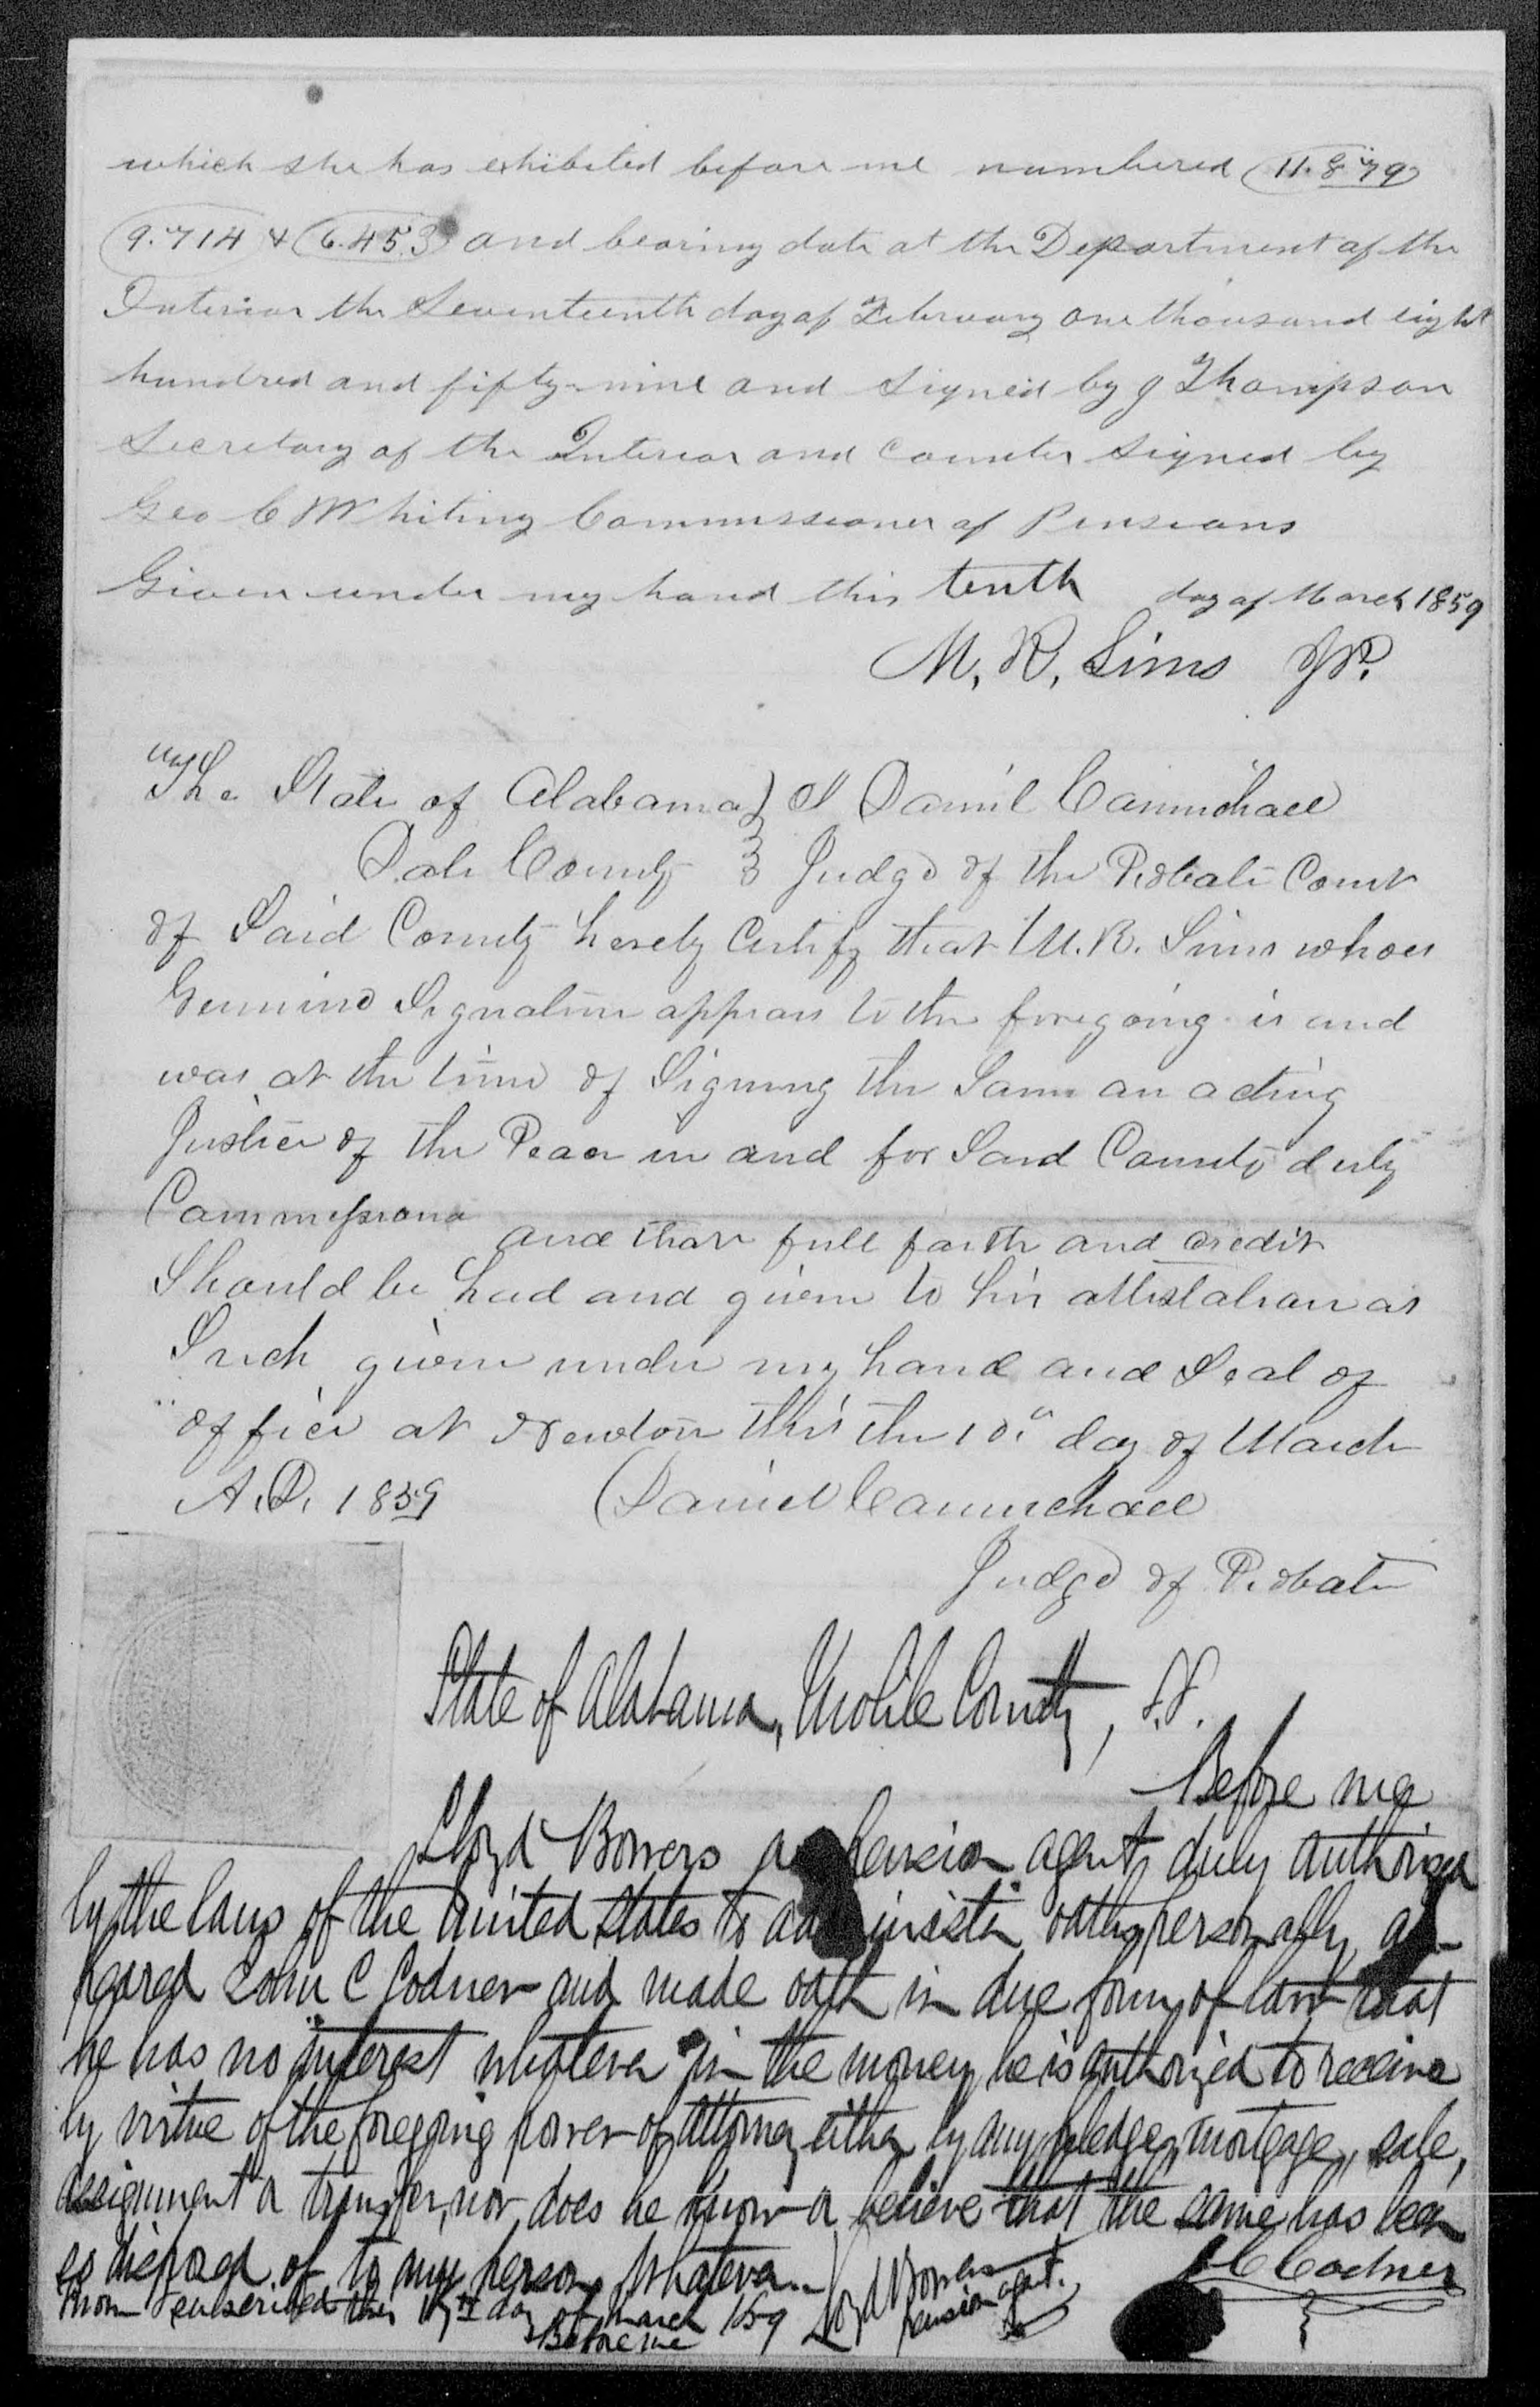which she has exhibited before me numbered 11.879  9714  6.45.3  and bearing data at the Department of the Interior the seventeenth day of February one thousand eight hundred and fifty nine and signed by J Thompson Secretary of the Interior and counter signed by Geo C. Whiting Commissioner of Pensions. Given under my hand this tenth day of March 1859.  M. R. Sims JP

The State of Alabama 
Dale County }  I David Carmichael Judge of the Probate Court of Said County hereby certify that M. R. Sims whose genuine signature appears to the foregoing is and was at the time of signing the same an acting Justice of the Peace in and for said county duly commissioned and that full faith and credit shoudl be had and given to his attestation as  such given under my hand and seal of office at Newton this the 10th day of March A.D. 1859  David Carmichael  Judge of Probate

State of Alabama Mobile county, SS.
Before me Loyd Bowers a pension agent duly authorized by the laws of the United States to administer oath, persnally appeared John C. Codner and made oath in due form of law that he has not interest whatever in the money he is authorized to receive by virtue of the foregoing power of attorney, either by any pledge, mortgage, sale, designate or transfer, nor doe he know or believe that the same has been disposed of to any person whatsoever 
Sworn and subscribed this 17th of March 1859 Before me. Loyd Bowers Pension Agent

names: Geo C Whiting, Lloyd Bowers, J C Codner, Daniel Carmichael, M R Sims, John C Codner, Daniel Carmichael, M R Sims, J Thompson, Loyd Bowers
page: 26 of 86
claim: widow's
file: W. 6899, James Carrell, N.C.